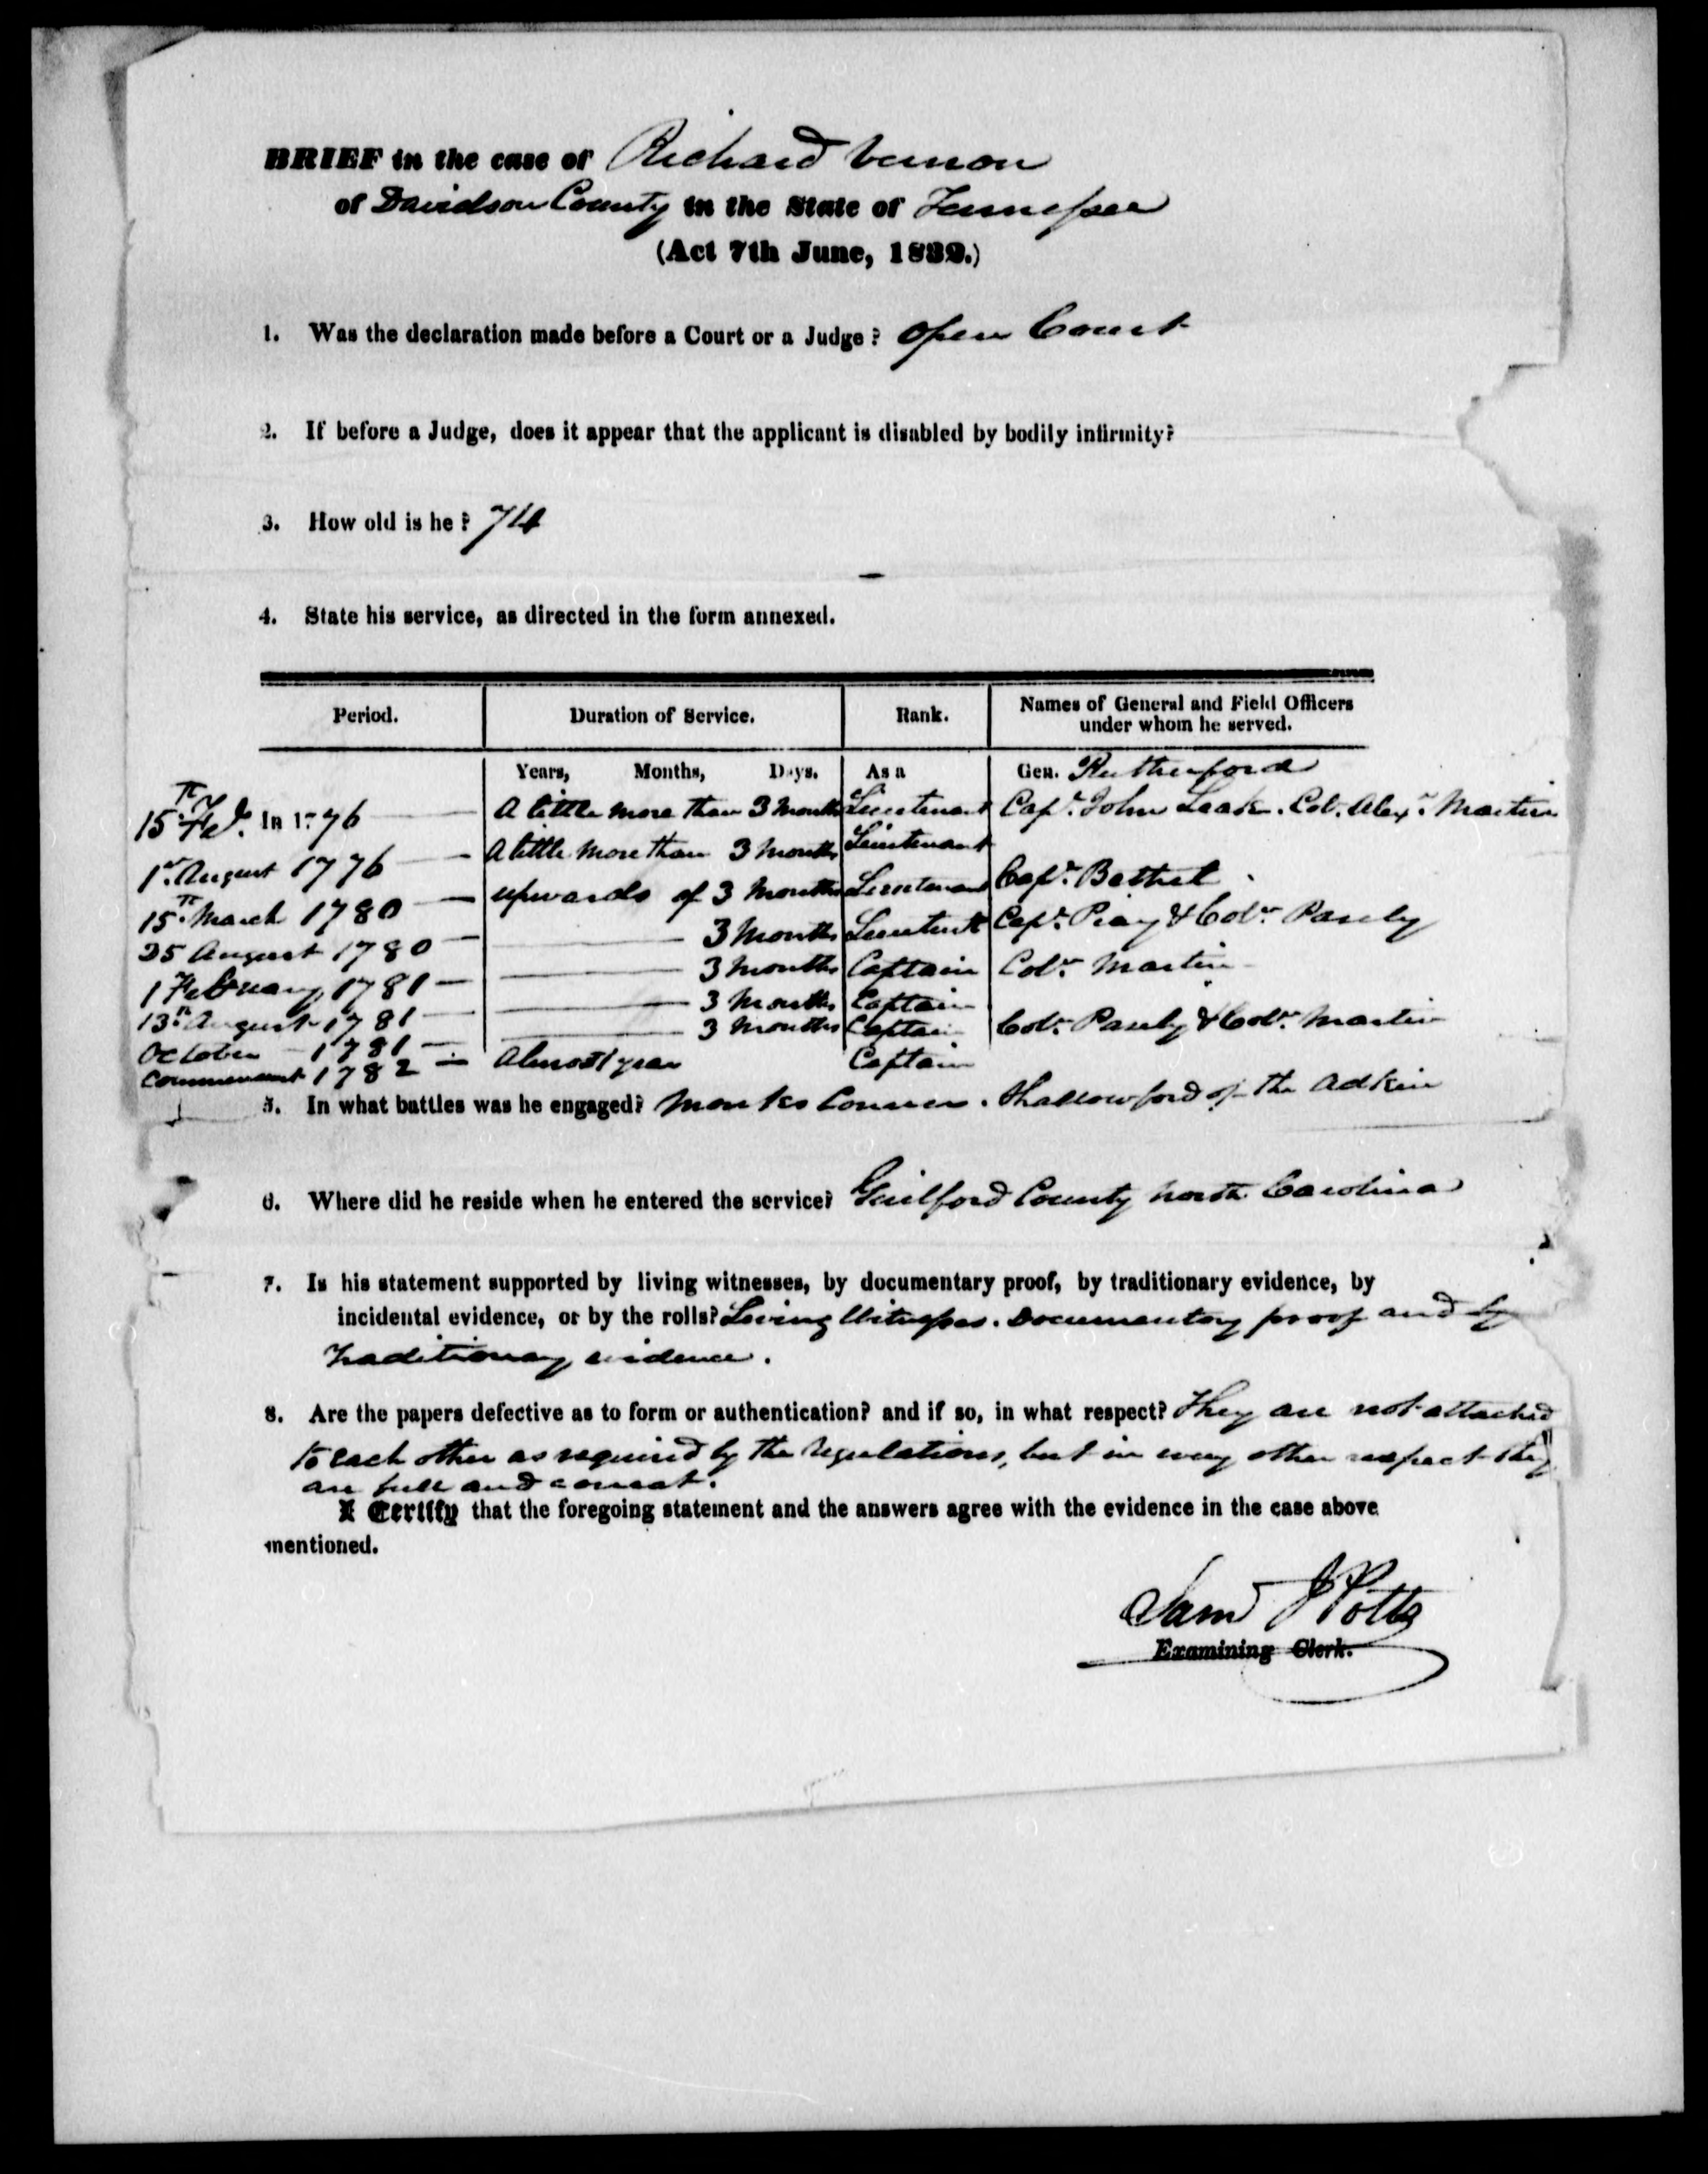BRIEF in the case of Richard Vernon of Davidson County in the State of Tennessee (Act of June, 1832.)

1.	Was the declaration made before a Court or a Judge? Open Court
2.	If before a Judge, does it appear that the applicant is disabled by bodily infirmity?
3.	How old is he? 74
4.	State his service, as directed in the form annexed.
Period. / Duration of Service. / Rank. / Names of General and Field Officers under whom he serviced.
15th Feb. in 1776 / A little more than 3 months / Lieutenant / Gen. Rutherford; Cap. John Leak; Col. Alex. Martin
1st August 1776 / A little more than 3 months / Lieutenant / 
15th March 1780 / upwards of 3 months / Lieutenant / Capt. Bethel
25 August 1780 / upward of 3 months / Lieutenant / Capt. Peay & Col. Pasely
1st February 1781 / upward of 3 months / Captain / Col. Martin
13th August 1781 / upwards of 3 months / Captain / 
October 1781 / upward of 3 months / Captain / Col. Pasely & Col. Martin
Commissioned 1782 / About 1 year / Captain / 

5.	In what battles was he engaged? Monks Corners. Shallowford of the Adkin
6.	Where did he reside when he entered the service? Guilford County North Carolina
7.	Is his statement supported by living witnesses, by documentary proof, by traditionary evidence,  by  incidental evidence, or by the rolls? Living Witnesses, Documentary proof and by Traditionary evidence.
8.	Are the papers defective as to form or authentication? and if so, in what respect? They are not attached to each other as required by the Regulations, but in every other respectability are full and correct.
X. Certify that the foregoing statement and the answers agree with the evidence in the case above mentioned.
Sam J. Potts
Examining Clerk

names: Rutherford, Bethel, Martin, Peay, John Leek, Alexr Martin, Richard Vernon, Saml J Potts, Pasely, Pauly, Martin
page: 5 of 105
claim: survivor's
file: S. 1883, Richard Vernon, N.C.